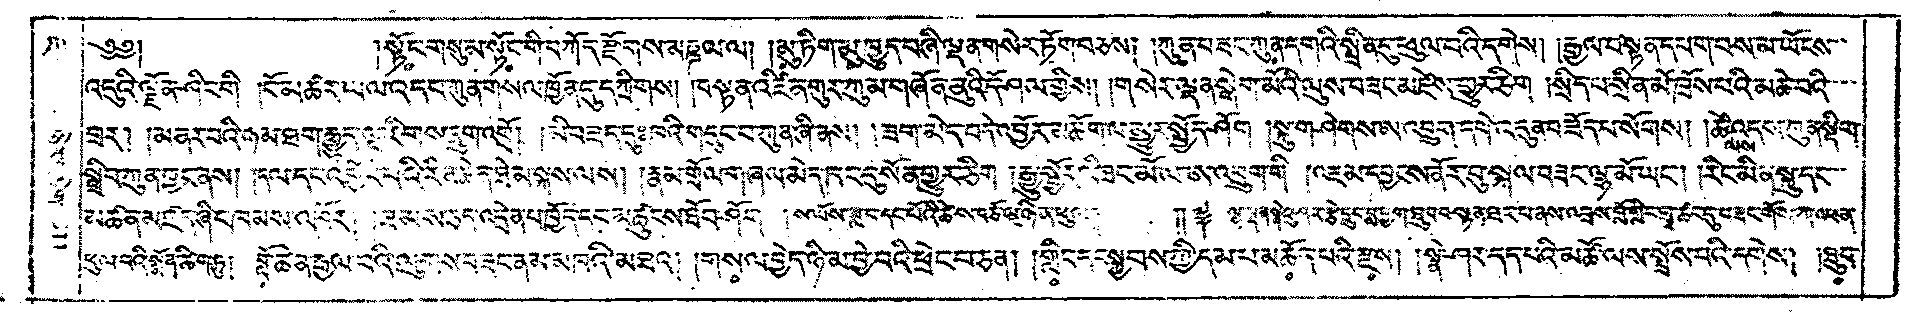༄༅། །སྟོང྾་གསུམ་སྟོང྾་གི་བཀོད་རྫོགས་མཎྜལ་ལ། །མུ྾་ཏིག་མུ྾་ཁྱུད་བཞི་ལྡན་གསེར་ཏོག་བཅས། །ཀུན྾་བཟང་ཀུན྾་དགའི་སྤྲིན་དུ་ཕུལ་བའི་དགེས། །རྒྱལ་བསྟན་དཔག་བསམ་ཡོངས་
འདུའི་ལྗོན་ཤིང་གི །ངོ་མཚར་ཡལ་འདབ་ཀུན་གསལ་ཁྱོན་དུ་དཀྲིགས། །བསྟན་འཛིན་གུར་ཀུམ་གཞོན་ནུའི་དོ་ཤལ་གྱིས། །གསེར་ལྡན་སྒེག་མོའི་ལུས་བཟང་མཛེས་གྱུར་ཅིག །སྲིད་པ་སྲིན་མོ་ཁྲོས་པའི་མཆེ་བའི་
གྲར། །མནར་བའི་ཉམ་ཐག་རྒྱུད་ལྔ་རིགས་དྲུག་འགྲོ། །མི་བཟད་དུཿ ཁའི་གདུང་བ་ཀུན་ཞི་ནས། །ཟག་མེད་བདེ་འབྱོར་མཆོག་ལ་མྱུར་སྤྱོད་ཤོག །སྐུ་གཤེགས་ཨ་འབྲུག་དགེ་འདུན་བཟོད་པ་སོགས། །ཚེ་ལས་འདས་ཀུན་སྡིག་
སྒྲིབ་ཀུན་བྱང་ནས། །དལ་དང་འབྱོར་པའི་རིན་ཆེན་ཐེམ་སྐས་ལས། །རྣམ་གྲོལ་གཞལ་མེད་ཁང་དུ་སོན་གྱུར་ཅིག །རྒྱུ་སྦྱོར་ལི་ཐང་མོ་ལ་ཨ་འབྲུག་གི །འཇམ་དབྱངས་ནོར་བུ་སྐལ་བཟང་ལྷ་མོ་ཡང་། །རིང་མིན་སྐུ་དང་
མཚན་མཛད་ཞིང་ཁམས་འཁོར། །ཐམས་ཅད་འདྲེན་པ་ཁྱོད་དང་མཚུངས་ཐོབ་ཤོག །ས་ཡོས་ཟླ་བ་དང་པོའི་ཚེས་བཅོ་ལྔ་ཉིན་ཕུལ།། །། ༈ ལྷ་ལྡན་སྣེའུ་ཤར་རྩེ་དྲུང་བླ་ཕྱག་ཐུབ་བསྟན་ཐར་པ་ནས་འབྲས་བློ་གླིང་གྲྭ་ཚང་དུ་བཟང་གོས་ཀ་འཕན་
ཕུལ་བའི་སྨོན་ཚིག་ཏུ། བློ྾་ཆེན་རྒྱལ་བའི་ལུགས་བཟང་ནམ་མཁའི་མཐའ། །གསལ྾་བྱེད་ཉི་མ་བྱེ་བའི་ཕྲེང་བ་ཅན། །གླིང྾་དང་སྐྱབས་ཀྱི་དམ་པ་མཆོད྾་པའི་རྫས྾། །སྣེ་ཤར་དད་པའི་མཚོ་ལས་སྤྲོས་པའི་དགེས། །ཐུབ྾་